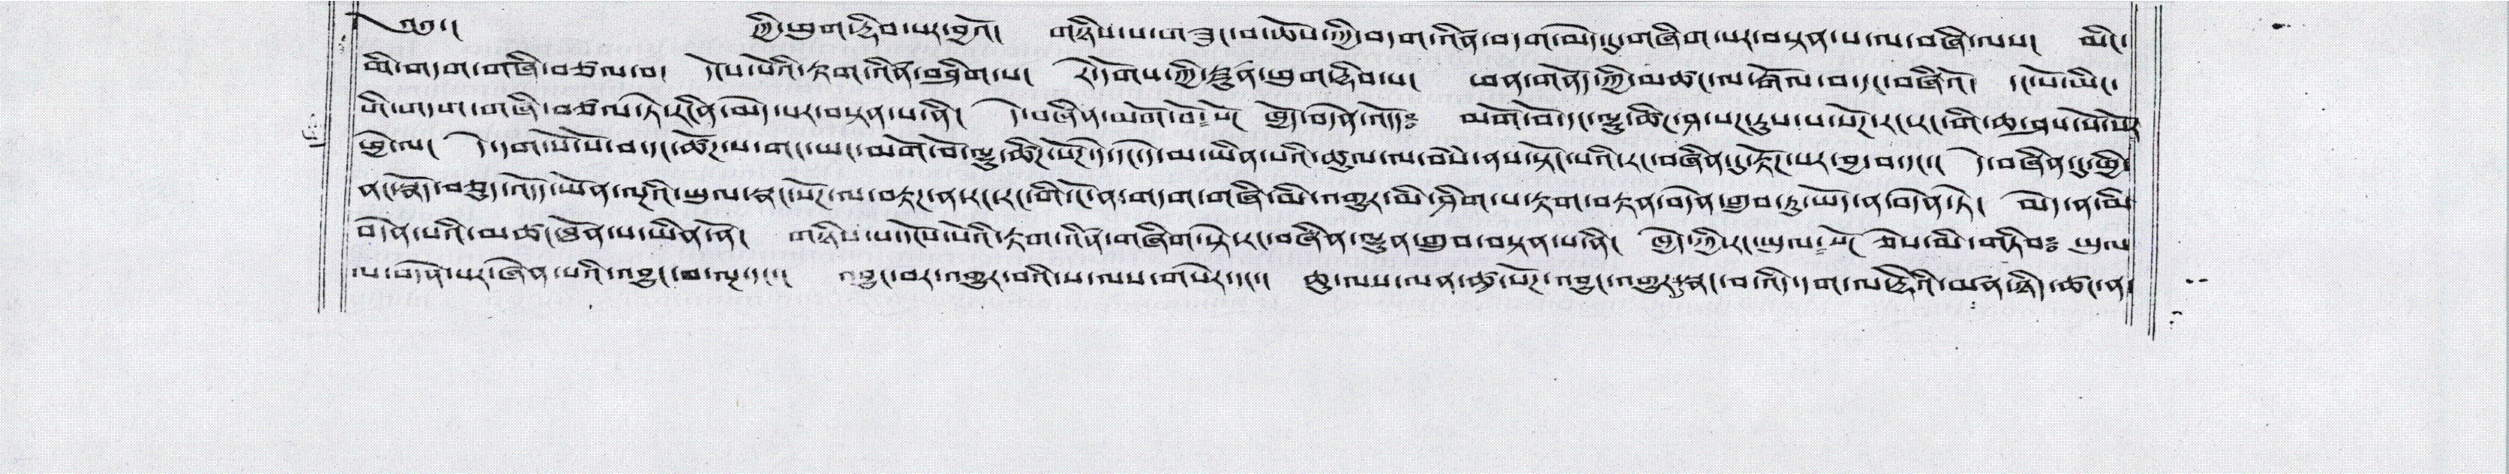ཀྱི་ཕུག་རྡིབ་པར་བྱའོ། གཉིས་པ་གཟུང་བ་ཆོས་ཀྱི་བདག་འཛིན་བདག་མེད་དུ་གཞིག་པར་བསྟན་པ་ལ་བཞི་ལས། མིང་
གི་གདགས་གཞི་བཙལ་བ། དངོས་པོའི་རྟག་འཛིན་བཤིགས་པ། རེ་དྭོགས་ཀྱི་རྫུན་ཕུག་རྡིབ་པ། ཕན་གནོད་ཀྱི་འཚང་ལ་རྒོལ་བ་དང་བཞིའོ། དང་པོ་མིང་
གི་གདགས་གཞི་བཙལ་ཏེ་རང་བཞིན་མེད་པར་བསྟན་པ་ནི། དེ་བཞིན་མགོ་བོ་སོགས་ཁྱོད་བདེན་འདོད། མགོ་བོ་དང་ལྷུ་ཚིགས་ཤ་ལྤགས་རུས་པ་སོགས་རང་རང་གི་ཆ་ཤས་སོ་སོར་
ཕྱེ་ལ་དེ་དག་སོ་སོ་བ་དང་ཚོགས་པ་གང་ཡང་མགོ་བོ་ལྷུ་ཚིགས་སོགས་དེ་དང་དེ་མ་ཡིན་པའི་ཚུལ་ལ་བསམ་ནས་སྟོང་པའི་རང་བཞིན་དུ་རྟོགས་པར་བྱ་བ་དང་། དེ་བཞིན་དུ་ཕྱི་
ནང་སྣོད་བཅུད་འདོད་ཡོན་ལྔ་ཡི་ཡུལ་སྣང་སོགས་ལ་བརྟགས་ན་རང་རང་གི་ངོ་ན་གདག་གཞི་མི་འགྱུར་མི་ཤིག་པ་རྟག་བརྟན་བདེན་གྲུབ་ཏུ་ཡོད་ན་བདེན་ཏེ། མེད་ན་མི་
བདེན་པའི་མཚང་ཐོན་པ་ཡིན་ནོ། གཉིས་པ་དངོས་པོའི་རྟག་འཛིན་གཞིག་སྟེ་རང་བཞིན་ལྷུན་གྲུབ་བསྟན་པ་ནི། ཁྱེད་ཀྱི་རང་ཡུལ་སོགས་ཅེས་མི་གཏིབཿ ཡུལ་
ལ་བདེན་པར་ཞེན་པའི་འབྱུང་བ་ལྔ་དང་། འབྱུང་བར་འགྱུར་བའི་ས་ལས་གསེར་དང་། ཆུ་ལས་ལན་ཚྭ་སོགས་འབྱུང་འགྱུར་སྣང་བ་འདི་དག་རྡོ་རྗེའི་མཚན་ཉིད་ཚང་ན་